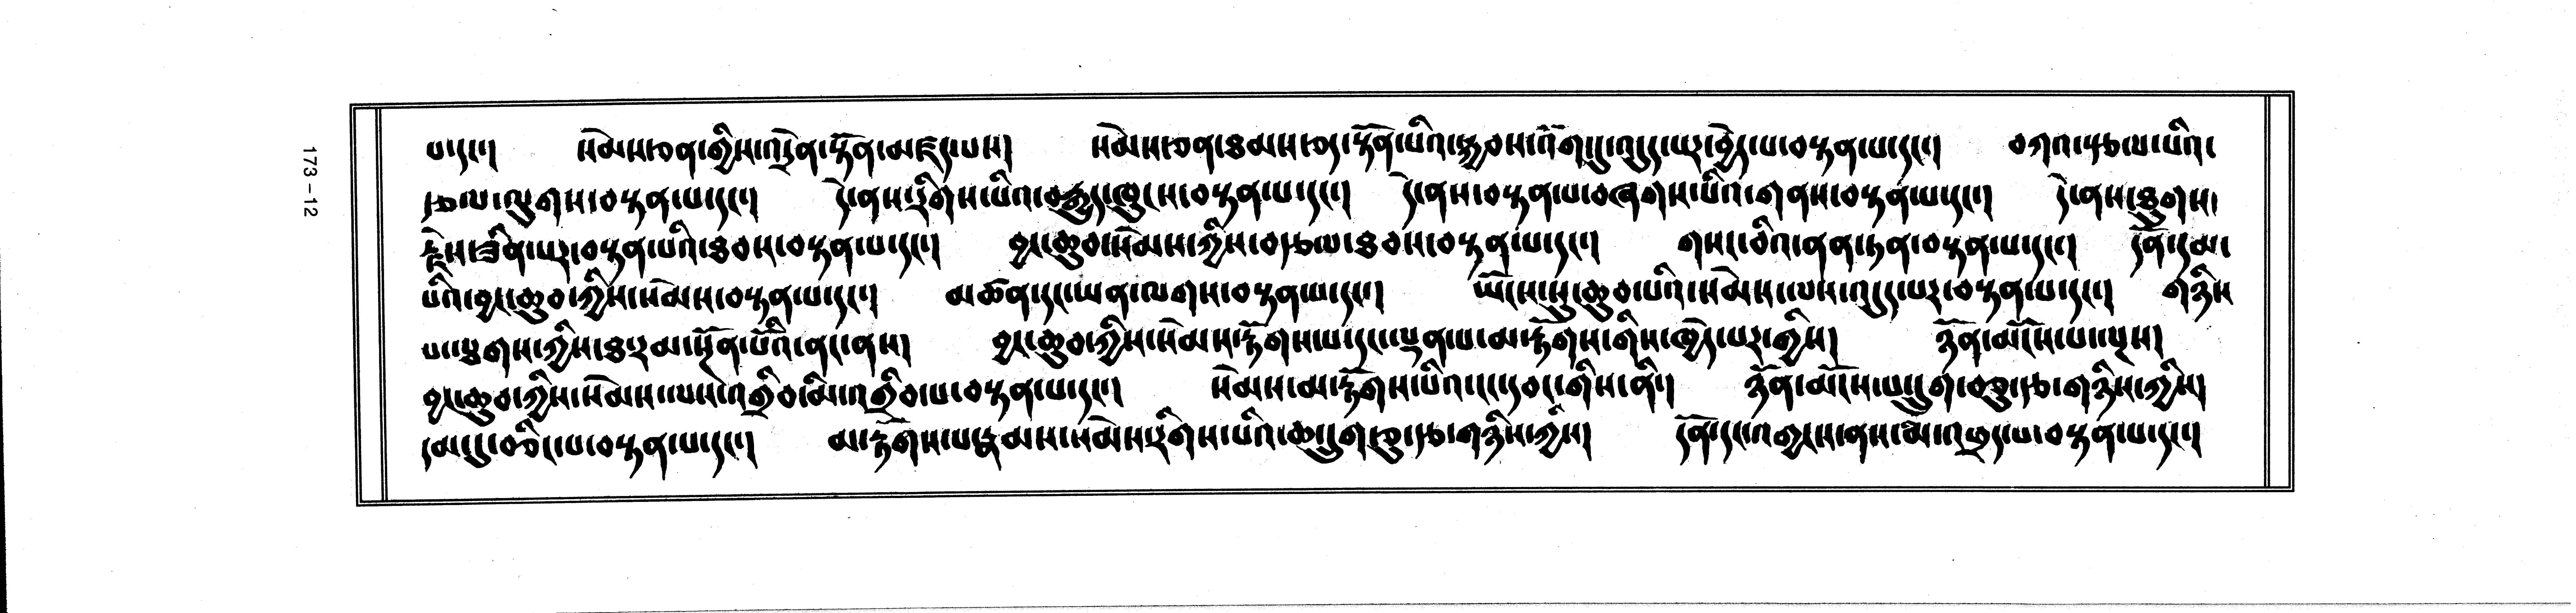པ་དང་། སེམས་ཅན་གྱི་འདྲེན་སྟོན་མཛད་པས། སེམས་ཅན་ཐམས་ཅད་སྟོན་པའི་སྐྱབས་འོག་ཏུ་འདུད་པར་བྱེད་པ་བསྟན་པ་དང་། བཀའ་བསྩལ་པའི་
སྩལ་ལུགས་བསྟན་པ་དང་། དེ་ནས་རིགས་པའི་བརྒྱུད་ཁུངས་བསྟན་པ་དང་། དེ་ནས་བསྟན་པ་བཞག་པའི་གནས་བསྟན་པ་དང་། དེ་ནས་ཐུགས་
རྗེས་ཟིན་པར་བསྟན་པའི་ཐབས་བསྟན་པ་དང་། བྱང་ཆུབ་སེམས་ཀྱིས་བརྩལ་༼འཚོལ༽ཐབས་བསྟན་པ་དང་། གསང་བའི་ནན་ཏན་བསྟན་པ་དང་། དོན་དམ་
པའི་བྱང་ཆུབ་ཀྱི་སེམས་བསྟན་པ་དང་། མཚན་དང་ཡན་ལག་བསྟན་པ་དང་། ཡོངས་སུ་ཆུད་པའི་སེམས་ལས་འདུད་པར་བསྟན་པ་དང་། གཉིས་
པ་ལྕགས་ཀྱི་ཐ་རམ་སྔོན་པོའི་ནང་ནས། བྱང་ཆུབ་ཀྱི་སེམས་རྟོག་པ་དང་ལྡན་པ་༼དང་༽མ་རྟོགས་ཀྱི་ཁྱད་པར་གྱིས། ཉོན་མོངས་པ་ལྔས། 
བྱང་ཆུབ་སེམས་ལས་འགྲིབ་མི་འགྲིབ་པ་བསྟན་པ་དང་། སེམས་མ་རྟོགས་པའི་ངང་དབང་གིས་ནི། ཉོན་མོངས་པ་དྲུག་ཅུ་རྩ་གཉིས་ཀྱིས་
དམ་དུ་བཅིང་པ་བསྟན་པ་དང་། མ་རྟོགས་པ་རྣམས་སེམས་རིག་པའི་ཆ་དྲུག་ཅུ་རྩ་གཉིས་ཀྱིས། དོན་དང་འགྱངས་ནས་མ་འཕྲད་པ་བསྟན་པ་དང་།